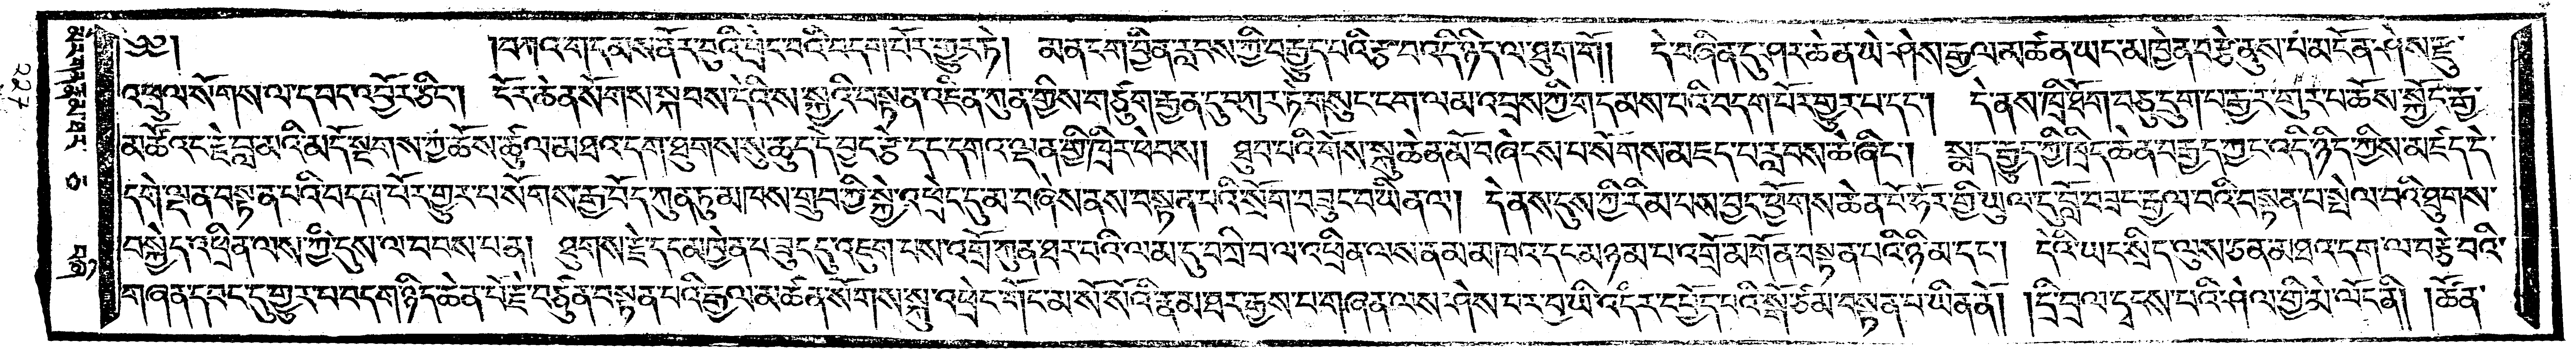༄༅། །བཀའ་གདམས་ནོར་བུའི་ཕྲེང་བའི་བདག་པོར་གྱུར་ཏེ། མན་ངག་བྱིན་རླབས་ཀྱི་བརྒྱུད་པའི་རྩ་བ་འདི་ཉིད་ལ་ཐུག་གོ། དེ་བཞིན་དུ་ཤར་ཆེན་ཡེ་ཤེས་རྒྱལ་མཚན་ཡང་མཁྱེན་བརྩེ་ནུས་པ་མངོན་ཤེས་རྫུ་
འཕྲུལ་སོགས་ལ་དབང་འབྱོར་ཅིང་། དོར་ཆེན་སོགས་སྐབས་དེའི་ས་སྐྱའི་བསྟན་འཛིན་ཀུན་གྱིས་གཙུག་རྒྱན་དུ་བཀུར་ཏེ་གསུང་ངག་ལག་འབྲས་ཀྱི་གདམས་པའི་བདག་པོར་གྱུར་པ་དང་། དེ་ནས་ཁྲི་ཐོག་བཅུ་དྲུག་པ་རྒྱར་གུར་པ་ཆོས་སྐྱོད་རྒྱ་
མཚོའང་རྗེ་བླ་མའི་མདོ་སྔགས་ཀྱི་ཆོས་ཚུལ་མཐའ་དག་ཐུགས་སུ་ཆུད་དེ་བྱང་རྩེ་དང་དགའ་ལྡན་གྱི་ཁྲིར་ཕེབས། ཐུབ་པའི་གོས་སྐུ་ཆེན་མོ་བཞེངས་པ་སོགས་མཛད་པ་རླབས་ཆེ་ཞིང་། སྨད་རྒྱུད་ཀྱི་ཁྲི་ཆེན་བརྒྱད་ཀྱང་འདི་ཉིད་ཀྱིས་མཛད་དེ་
དགེ་ལྡན་བསྟན་པའི་བདག་པོར་གྱུར་པ་སོགས་རྒྱ་བོད་ཀུན་ཏུ་མཁས་གྲུབ་ཀྱི་སྐྱེ་འཕྲེང་དུ་མ་བཞེས་ནས་བསྟན་པའི་སྲོག་བཟུང་བ་ཡིན་ལ། དེ་ནས་དུས་ཀྱི་རིམ་པས་བྱང་ཕྱོགས་ཆེན་པོ་ཧོར་གྱི་ཡུལ་དུ་བློ་བཟང་རྒྱལ་བའི་བསྟན་པ་སྤེལ་བའི་ཐུགས་
བསྐྱེད་འཕྲིན་ལས་ཀྱི་དུས་ལ་བབས་པ་ན། ཐུགས་རྗེ་དང་མཁྱེན་པ་ཟུང་དུ་འཇུག་པས་འགྲོ་ཀུན་ཐར་བའི་ལམ་དུ་བཀྲི་བ་ལ་འཕྲིན་ལས་ནམ་མཁའ་དང་མཉམ་པ་འགྲོ་མགོན་བསྟན་པའི་ཉི་མ་དང་། དེའི་ཡང་སྲིད་ལུས་ཅན་མཐའ་དག་ལ་བརྩེ་བའི་
གཞན་དབང་དུ་གྱུར་པ་བདག་ཉིད་ཆེན་པོ་རྗེ་བཙུན་བསྟན་པའི་རྒྱལ་མཚན་སོགས་སྐུ་འཕྲེང་གོང་མ་སོ་སོའི་རྣམ་ཐར་རྒྱས་པ་གཞན་ལས་ཤེས་པར་བྱ་ཡི་འདིར་དཔྱོད་པའི་སྒོ་ཙམ་བསྟན་པ་ཡིན་ནོ། །དྲི་བྲལ་དྭངས་བའི་ཤེས་གྱི་མེ་ལོང་ནི། །ཚོན་